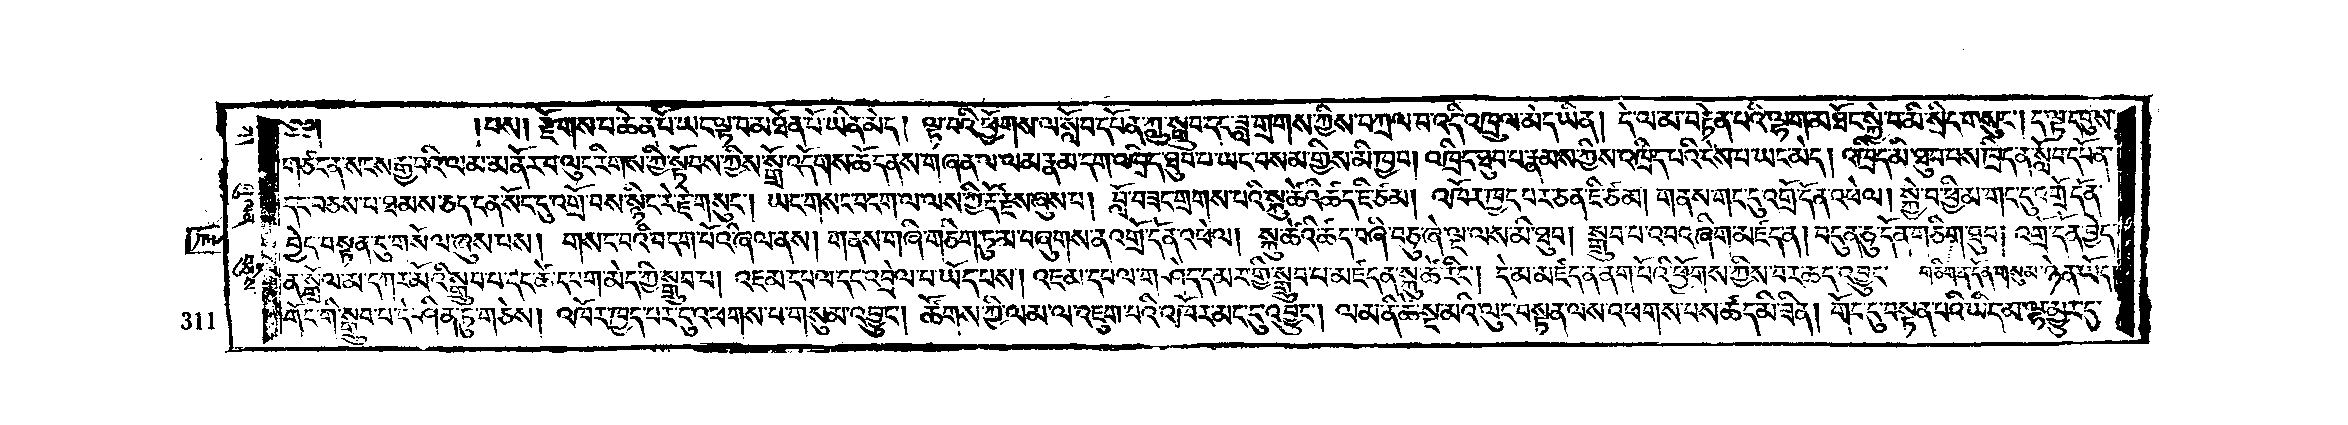༄༅། །པས། རྫོགས་པ་ཆེན་པོ་ཡང་ལྟ་བ་མཐོན་པོ་ཡིན་མེད། ལྟ་བའི་ཕྱོགས་ལ་སློབ་དཔོན་ཀླུ་སྒྲུབ་དང་ཟླ་གྲགས་ཀྱིས་བཀྲལ་བ་འདི་འཁྲུལ་མེད་ཡིན། དེ་ལ་མ་བརྟེན་པའི་ལྷག་མཐོང་སྐྱེ་བ་མི་སྲིད་གསུང་། ད་ལྟ་དབུས་
གཙང་ན་སངས་རྒྱ་བའི་ལམ་མ་ནོར་བ་ལུང་རིགས་ཀྱི་སྟོབས་ཀྱིས་སྒྲོ་འདོགས་ཆོད་ནས་གཞན་ལ་ལམ་རྣམ་དག་འཁྲིད་ཐུབ་པ་ཡང་བསམ་གྱིས་མི་ཁྱབ། འཁྲིད་ཐུབ་པ་རྣམས་ཀྱིས་འཁྲིད་པའི་ངེས་པ་ཡང་མེད། འཁྲིད་མི་ཐུབ་པས་ཁྲིད་ན་སློབ་དཔོན་
དང་བཅས་པ་ཐམས་ཅད་ངན་སོང་དུ་འགྲོ་བས་སྙིང་རེ་རྗེ་གསུང་། ཡང་གསང་བདག་ལ་ལས་ཀྱི་རྡོ་རྗེས་ཞུས་པ། བློ་བཟང་གྲགས་པའི་སྐུ་ཚེའི་ཚད་ཇི་ཙམ། འཁོར་ཁྱད་པར་ཅན་ཇི་ཙམ། གནས་གང་དུ་འགྲོ་དོན་འཕེལ། སྐྱེ་བ་ཕྱི་མ་གང་དུ་འགྲོ་དོན་
བྱེད་བསྟན་དུ་གསོལ་ཞུས་པས། གསང་བའི་བདག་པོའི་ཞལ་ནས། གནས་གཞི་གཅིག་ཏུ་མ་བཞུགས་ན་འགྲོ་དོན་འཕེལ། སྐུ་ཚེའི་ཚད་བཞི་བཅུ་ཞེ་ལྔ་ལས་མི་ཐུབ། སྒྲུབ་པ་འབའ་ཞིག་མཛད་ན། བདུན་ཅུ་དོན་གཅིག་ཐུབ། འགྲོ་དོན་བྱེད་
ན་སྒྲོལ་མ་དཀར་མོའི་སྒྲུབ་པ་དང་ཚེ་དཔག་མེད་ཀྱི་སྒྲུབ་པ། འཇམ་དཔལ་དང་འབྲེལ་པ་ཡོད་པས། འཇམ་དཔལ་གཤེད་དམར་གྱི་སྒྲུབ་པ་མཛད་ན་སྐུ་ཚེ་རིང་། དེ་མ་མཛད་ན་ནག་པོའི་ཕྱོགས་ཀྱིས་བར་ཆད་འབྱུང་གཅིག་ན་དོན་གསུམ་ཉེན་ཡོད།
གོང་གི་སྒྲུབ་པ་དེ་ཤིན་ཏུ་གཅེས། འཁོར་ཁྱད་པར་དུ་འཕགས་པ་གསུམ་འབྱུང་། ཚོགས་ཀྱི་ལམ་ལ་འཇུག་པའི་འཁོར་མང་དུ་འབྱུང་། ལམ་ནི་ཚེ་སྔ་མའི་ལུང་བསྟན་ལས་འཕགས་པས་ཚད་མི་ཟིན། གོང་དུ་བསྟན་པའི་ཡི་དམ་ལྷ་མྱུར་དུ་